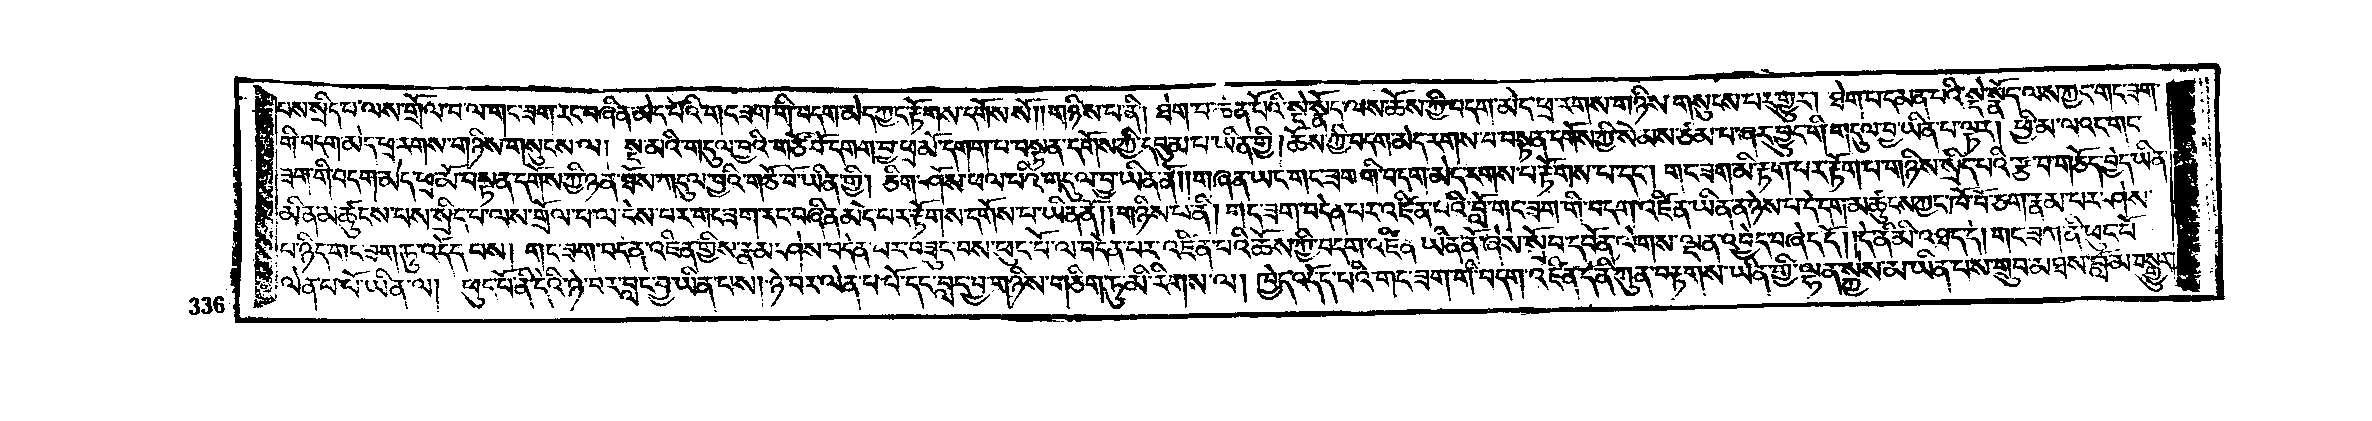པས་སྲིད་པ་ལས་གྲོལ་བ་ལ་གང་ཟག་རང་བཞིན་མེད་པོའི་གང་ཟག་གི་བདག་མེད་ཀྱང་རྟོགས་དགོས་སོ། །གཉིས་པ་ནི། ཐེག་པ་ཆེན་པོའི་སྡེ་སྣོད་ལས་ཆོས་ཀྱི་བདག་མེད་ཕྲ་རགས་གཉིས་གསུངས་པར་གྱུར། ཐེག་པ་དམན་པའི་སྡེ་སྣོད་ལས་ཀྱང་གང་ཟག་
གི་བདག་མེད་ཕྲ་རགས་གཉིས་གསུངས་ལ། སྔ་མའི་གདུལ་བྱའི་གཙོ་བོ་དགག་བྱ་ཕྲ་མོ་དགག་པ་བསྟན་དགོས་ཀྱི་དབུ་མ་པ་ཡིན་གྱི་།ཆོས་ཀྱི་བདག་མེད་རགས་པ་བསྟན་དགོས་ཀྱི་སེམས་ཙམ་པ་ཞར་བྱུང་གི་གདུལ་བྱ་ཡིན་པ་ལྟར། ཕྱི་མ་ལའང་གང་
ཟག་གི་བདག་མེད་ཕྲ་མོ་བསྟན་དགོས་ཀྱི་ཉན་ཐོས་གདུལ་བྱའི་གཙོ་བོ་ཡིན་གྱི། ཅིག་ཤོས་ཕལ་པའི་གདུལ་བྱ་ཡིན་ནོ། །གཞན་ཡང་གང་ཟག་གི་བདག་མེད་རགས་པ་རྟོགས་པ་དང་། གང་ཟག་མི་རྟག་པར་རྟོག་པ་གཉིས་སྲིད་པའི་རྩ་བ་གཅོད་བྱེད་ཡིན་
མིན་མཚུངས་པས་སྲིད་པ་ལས་གྲོལ་བ་ལ་ངེས་པར་གང་ཟག་རང་བཞིན་མེད་པར་རྟོགས་དགོས་པ་ཡིན་ནོ། །གཉིས་པ་ནི། གང་ཟག་བདེན་པར་འཛིན་པའི་བློ་གང་ཟག་གི་བདག་འཛིན་ཡིན་ན་ཉེས་པ་དེ་དག་མཚུངས་ཀྱང་ཁོ་བོ་ཅག་རྣམ་པར་ཤེས་
པ་ཉིད་གང་ཟག་ཏུ་འདོད་པས། གང་ཟག་བདེན་འཛིན་གྱིས་རྣམ་ཤེས་བདེན་པར་བཟུང་བས་ཕུང་པོ་ལ་བདེན་པར་འཛིན་པའི་ཆོས་ཀྱི་བདག་འཛིན་ཡིན་ནོ་ཞེས་སློབ་དཔོན་ལེགས་ལྡན་འབྱེད་བཞེད་དོ། །དེ་ནི་མི་འཐད་དེ། གང་ཟག་ནི་ཕུང་པོ་
ལེན་པ་པོ་ཡིན་ལ། ཕུང་པོ་ནི་དེའི་ཉེ་བར་བླང་བྱ་ཡིན་པས། ཉེ་བར་ལེན་པ་པོ་དང་བླང་བྱ་གཉིས་གཅིག་ཏུ་མི་རིགས་ལ། ཁྱེད་འདོད་པའི་གང་ཟག་གི་བདག་འཛིན་དེ་ནི་ཀུན་བརྟགས་ཡིན་གྱི་ལྷན་སྐྱེས་མ་ཡིན་པས་གྲུབ་མཐས་བློ་མ་བསྒྱུར་